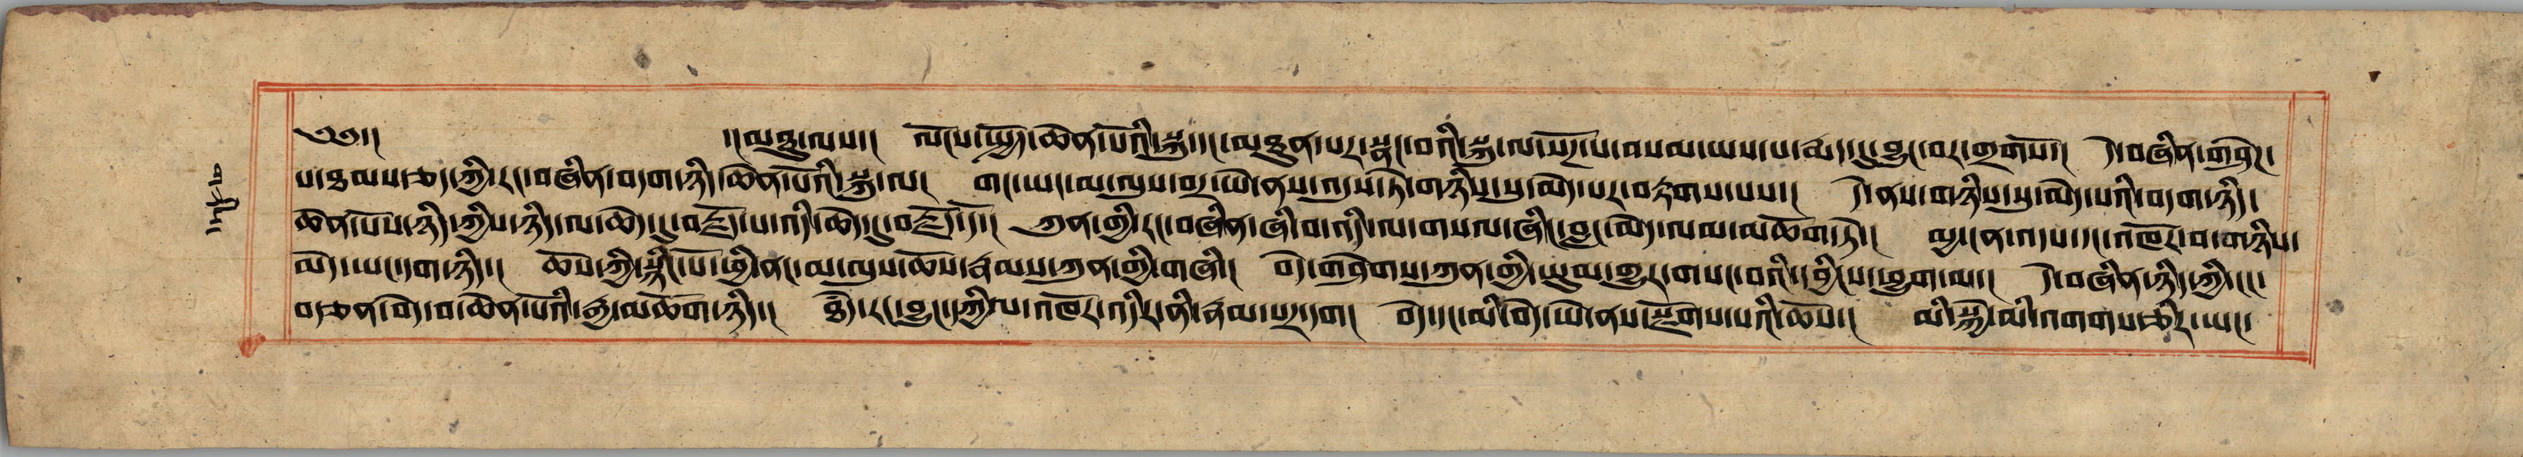༄༅་། ་།མཐུ་ལས་། ལོངས་སྤྱོད་ཆེན་པོའི་སྐུ་དང་མཐུན་པར་སྣང་བའི་སྐུ་ལ་སོཌ་པ་བསམ་ཡས་པ་རྨད་དུ་བྱུང་བར་གྲགསོ་། དེ་བཞིན་གཤེཌ་
པ་ཐམས་ཅད་ཀྱི་རང་བཞིན་བདག་ཉིད་ཆེན་པོའི་སྐུ་ལ། གང་ཡང་མ་ལུས་བར་ཡེ་ནས་འདུས་ཏེ་གཉིས་སུ་མེད་པར་བརྟགས་པས་། དེ་ནས་གཉིས་སུ་མེད་པའི་བདག་ཉིད་
ཆེན་པོས་ཉིད་ཀྱིས་ཉིད་ལ་ཆེད་དུ་བརྗོད་པ་འདི་ཆེད་དུ་བརྗོད་དོ་། ཀུན་གྱི་རང་བཞིན་ཞི་བ་འདི་ལ་གསལ་ཞིང་བླང་མེད་ལམ་མཆོག་ཏེ་། མྱ་ངན་འདས་དང་འཁོར་བ་གཉིས་
མེད་ཡང་དག་ཉིད་། ཆོས་ཀྱི་སྙིང་པོ་ཕྱི་ནང་མ་ལུས་ཆོས་རྣམས་ཀུན་གྱི་གཞི་། བདེ་གཤེགས་ཀུན་གྱི་ཡུམ་གྱུར་གསང་བའི་དབྱིངས་ཕྱུག་མ་། དེ་བཞིན་ཉིད་ཀྱི་ངང་
བ་ཅན་བདེ་བ་ཆེན་པོའི་རྒྱ་མཆོག་ཉིད་། ཐཾད་རང་བྱུང་དཀྱིལ་འཁོར་འདིར་ནི་རྣམ་པར་དག། བདེ་དང་མི་བདེ་ཡེ་ནས་སྫོགས་པའི་ཆོས་། མི་སྐྱེ་མི་འགགས་ཅིར་ཡང་